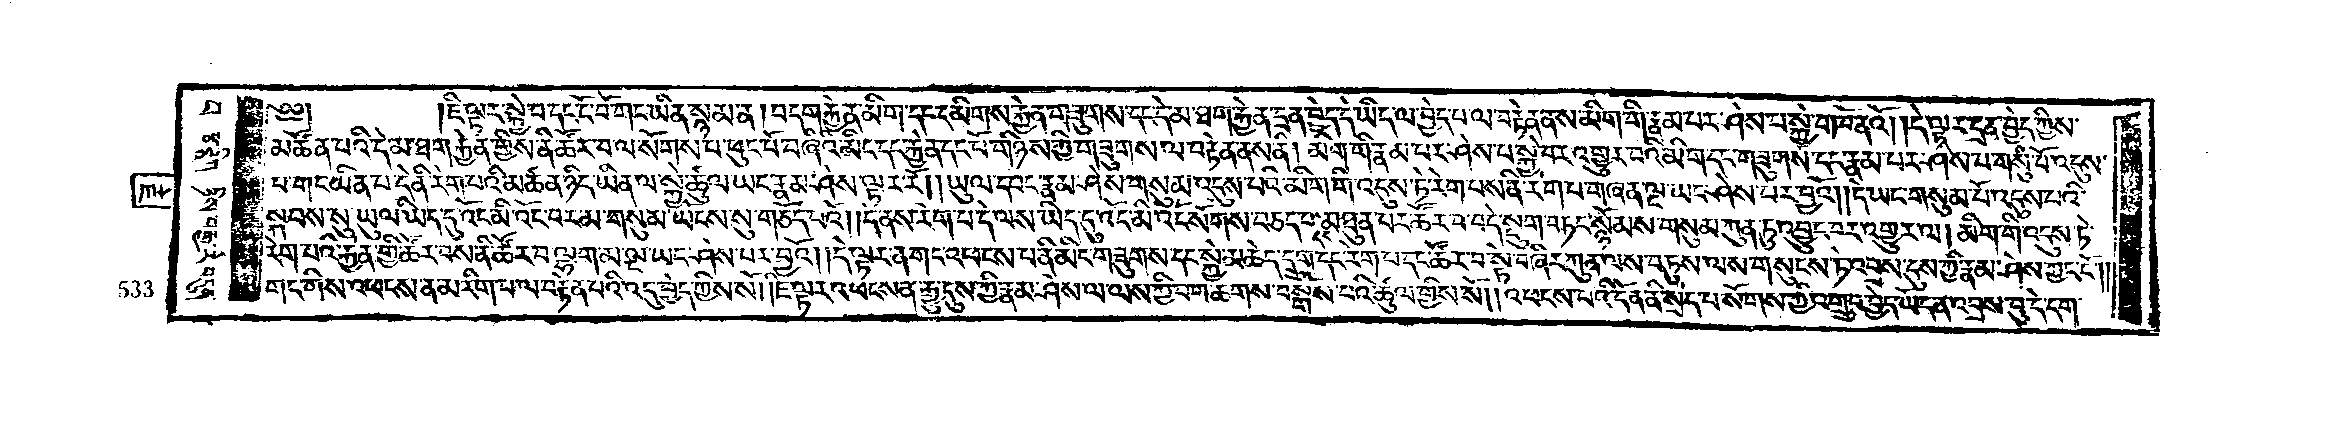༄༅། །ཇི་ལྟར་སྐྱེ་བ་དང་ངོ་བོ་གང་ཡིན་སྙམ་ན། བདག་རྐྱེན་མིག་དང་དམིགས་རྐྱེན་གཟུགས་དང་དེ་མ་ཐག་རྐྱེན་དྲན་བྱེད་དེ་ཡིད་ལ་བྱེད་པ་ལ་བརྟེན་ནས་མིག་གི་རྣམ་པར་ཤེས་པ་སྐྱེ་བ་ཁོ་ནའོ། །དེ་ལྟར་དྲན་བྱེད་ཀྱིས་
མཚོན་པའི་དེ་མ་ཐག་རྐྱེན་གྱིས་ནི་ཚོར་བ་ལ་སོགས་པ་ཕུང་པོ་བཞིའི་མིང་དང་རྐྱེན་དང་པོ་གཉིས་ཀྱི་གཟུགས་ལ་བརྟེན་ནས་ནི། མིག་གི་རྣམ་པར་ཤེས་པ་སྐྱེ་བར་འགྱུར་བའི་མིག་དང་གཟུགས་དང་རྣམ་པར་ཤེས་པ་གསུཾ་པོ་འདུས་
པ་གང་ཡིན་པ་དེ་ནི་རེག་པའི་མཚན་ཉིད་ཡིན་ལ་སྐྱེ་ཚུལ་ཡང་རྣམ་ཤེས་ལྟར་རོ། །ཡུལ་དཔང་རྣམ་ཤེས་གསུམ་འདུས་པའི་མིག་གི་འདུས་ཏེ་རེག་པས་ནི་རེག་པ་གཞན་ལྔ་ཡང་ཤེས་པར་བྱའོ། །དེ་ཡང་གསུམ་པོ་འདུས་པའི་
སྐབས་སུ་ཡུལ་ཡིད་དུ་འོང་མི་འོང་བར་མ་གསུམ་ཡོངས་སུ་གཅོད་པའོ། །དེ་ནས་རེག་པ་དེ་ལས་ཡིད་དུ་འོང་མི་འོང་སོགས་བཅད་བ་དང་མཐུན་པར་ཚོར་བ་བདེ་སྡུག་བཏང་སྙོམས་གསུམ་ཀུན་ཏུ་འབྱུང་བར་འགྱུར་ལ། མིག་གི་འདུས་ཏ་
རིག་པའི་རྐྱེན་བྱ་ཚོར་བས་ནི་ཚོར་བ་ལྷག་མ་ལྔ་ཡང་ཤེས་པར་བྱའོ། །དེ་ལྟར་ན་གང་འཕངས་པ་ནི་མིང་གཟུགས་དན་སྐྱེ་མཆེད་དྲུག་དང་རིག་པ་དང་ཚོར་བ་སྟེ་ཟིར་ཀུན་ལས་བཏུས་ལས་གསུངས། ཏེ་འབྲེས་དུས་ཀྱི་རྣམ་ཤེས་ཀྱང་ངོ།།
གང་གིས་འཕངས་ན་མ་རིག་པ་ལ་བརྟེན་པའི་འདུ་བྱེད་ཀྱིས་སོ། །ཇི་ལྟར་འཕངས་ན་རྒྱུ་དུས་ཀྱི་རྣམ་ཤེས་ལ་ལས་ཀྱི་བག་ཆགས་བསྒོས་པའི་ཚུལ་གྱིས་སོ། །འཕངས་པའི་དོན་ནི་སྲེད་པ་སོགས་ཀྱི་འགྲུབ་བྱེད་ཡོད་ན་འབྲས་བུ་དེ་དག་